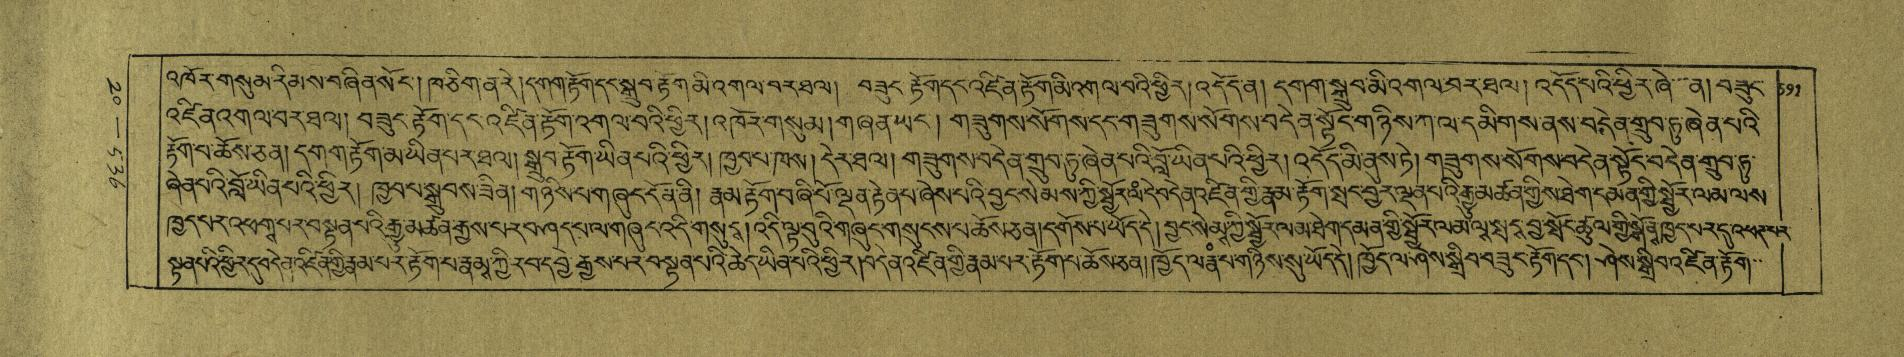འཁོར་གསུམ་རིམས་བཞིན་སོང་། ཁ་ཅིག་ན་རེ། དགག་རྟོག་དང་སྒྲུབ་རྟོག་མི་འགལ་བར་ཐལ། བཟུང་རྟོག་དང་འཛིན་རྟོག་མི་འགལ་བའི་ཕྱིར། འདོད་ན། དགག་སྒྲུབ་མི་འགལ་བར་ཐལ། འདོད་པའི་ཕྱིར་ཞེ་ན། བཟུང་
འཛིན་འགལ་བར་ཐལ། བཟུང་རྟོག་དང་འཛིན་རྟོག་འགལ་བའི་ཕྱིར། འཁོར་གསུམ། གཞན་ཡང་། གཟུགས་སོགས་དང་གཟུགས་སོགས་པ་བདེན་སྟོང་གཉིས་ཀ་ལ་དམིགས་ནས་བདེན་གྲུབ་ཏུ་ཞེན་པའི་
རྟོག་པ་ཆོས་ཅན། དགག་རྟོག་མ་ཡིན་པར་ཐལ། སྒྲུབ་རྟོག་ཡིན་པའི་ཕྱིར། ཁྱབ་པ་ཁས། དེར་ཐལ། གཟུགས་བདེན་གྲུབ་ཏུ་ཞེན་པའི་བློ་ཡིན་པའི་ཕྱིར། འདོད་མི་ནུས་ཏེ། གཟུགས་སོགས་བདེན་སྟོང་བདེན་གྲུབ་ཏུ་
ཞེན་པའི་བློ་ཡིན་པའི་ཕྱིར། ཁྱབ་པ་སྒྲུབས་ཟིན། གཉིས་པ་གཞུང་དོན་ནི། རྣམ་རྟོག་བཞི་པོ་ལྡན་རྟེན་པ་ཞེས་པའི་བྱང་སེམས་ཀྱི་སྦྱོར་ལཾ་དེ་བདེན་འཛིན་གྱི་རྣམ་རྟོག་སྤངས་སྦྱར་ལྡན་པའི་རྒྱུ་མཚན་གྱིས་ཐེག་དམན་གྱི་སྦྱོར་ལམ་ལས་
ཁྱད་པར་འཕགས་པར་བསྟན་པའི་རྒྱུ་མཚན་རྒྱས་པར་བཤད་པ་ལ་གཞུང་འདི་གསུངས། འདི་ལྟ་བུའི་གཞུང་གསུངས་པ་ཆོས་ཅན། དགོས་པ་ཡོད་དེ། བྱང་སེམས་ཀྱི་སྦྱོར་ལམ་ཐེག་དམན་གྱི་སྦྱོར་ལམ་ལ་སྤང་བྱ་སྤོང་ཚུལ་གྱི་སྒོ་ནས་ཁྱད་པར་དུ་འཕཊ་པར་
སྟན་པའི་ཕྱིར་དུ་བདེན་འཛིན་གྱི་རྣམ་པར་རྟོག་པ་རྣམས་ཀྱི་རབ་དབྱེ་རྒྱས་པར་བསྟན་པའི་ཆེད་ཡིན་པའི་ཕྱིར། བདེན་འཛིན་གྱི་གྱི་རྣམ་པར་རྟོག་པ་ཆོས་ཅན། ཁྱོད་ལ་རྣཾ་པ་གཉིས་སུ་ཡོད་དེ། ཁྱད་ལ་ཤེས་སྒྲིབ་བཟུང་རྟོག་དང་། ཤེས་སྒྲིབ་འཛིན་རྟོག་